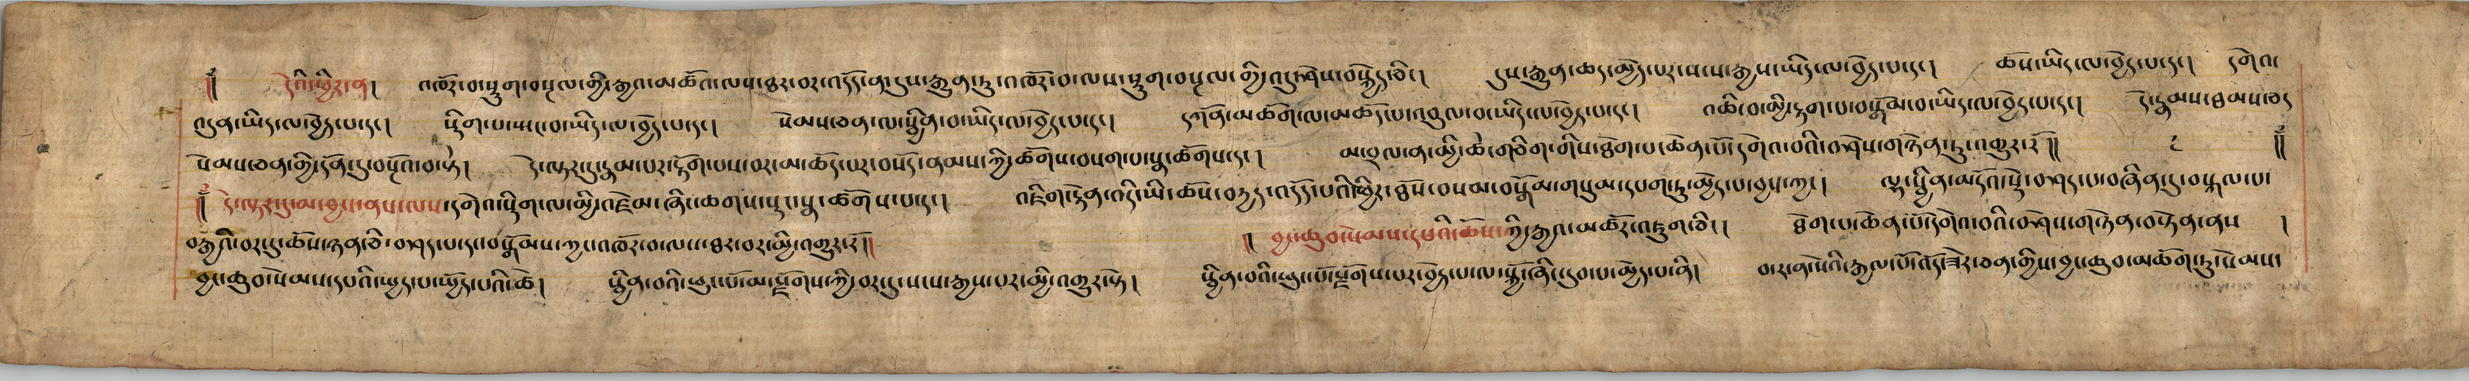དེའི་ཕྱིར་ན། འཁོར་བ་སྡུག་བསྔལ་གྱི་རྒྱའ་མཚོའ་ལས་ཐར་བར་འདོད་ན་དུས་རྒྱུན་ཏུ་འཁོར་བ་ལས་སྡུག་བསྔལ་གྱི་འདུ་ཤེས་བསྐྱེད་ཅིང། དུས་རྒྱུན་ཆད་མྱེད་པར་སངས་རྒྱས་ཡིད་ལ་བྱེད་པ་དང། ཆོས་ཡིད་ལ་བྱེད་པ་དང། དགེའ་
འདུན་ཡིད་ལ་བྱེད་པ་དང། སྡིག་པ་ཡང་བ་ཡིད་ལ་བྱེད་པ་དང། སེམས་ཅན་ལ་སྦྱིན་བ་ཡིད་ལ་བྱེད་པ་དང། དཀོན་མཆོག་ལ་མཆོད་པ་འབུལ་བ་ཡིད་ལ་བྱེད་པ་དང། འཆི་བ་མྱི་རྟག་པ་བསྒོམ་བ་ཡིད་ལ་བྱེད་པ་དང། དེ་རྣམས་ཐམས་ཅད
སེམས་ཅན་གྱི་དོན་དུ་བསྔོའ་བ་སྟེ། དེ་ལྟར་དུ་རྣམ་པར་རྟོག་པས་བར་མ་ཆོད་པར་བསོད་ནམས་ཀྱི་ཚོགས་བསག་པ་སྣ་ཚོགས་དང། མ་བྲལ་ན་མྱི་ཚེ་གཅིག་གིས་ཐེག་པ་ཆེན་པོ་དགེའ་བའི་བཤེས་གཉེན་ཏུ་འགྱུར་རོ །།
།། དེ་ལྟར་དུ་མ་བྱས་ནས་ལས་དགེའ་སྡིག་ལ་མྱི་འཛེམ་ཞིང་ཆགས་སྡང་སྣ་ཚོགས་པ་དང། འཇིག་རྟེན་འདི་ཡི་ཆོས་བརྱད་འདོད་པའི་ཕྱིར་ཐོས་བསམ་བསྒོམ་གསུམ་དཔག་ཏུ་མྱེད་པ་བྱས་ཀྱང། ལྷ་སྦྱིན་མདོའ་སྡེ་བཤད་པ་བཞིན་དུ་བསྐལ་པ་
བརྒྱའི་བར་དུ་ཆོས་ཉན་ཅིང་བཤད་པ་དང་བསྒོམས་ཀྱང་འཁོར་བ་ལས་ཐར་བར་མྱི་འགྱུར་རོ།། །། བྱང་ཆུབ་སེམས་དཔའི་ཆོས་ཀྱི་རྒྱའ་མཚོར་འཇུག་ཅིང། ཐེག་པ་ཆེན་པོ་དགེའ་བའི་བཤེས་གཉེན་བསྟེན་ནས
བྱང་ཆུབ་སེམས་དཔའི་སྤྱད་པ་སྤྱོད་པའི་ཚེ། སྦྱིན་བའི་ཕུང་པོ་མ་སྫོགས་ཀྱི་བར་དུ་སངས་རྒྱས་པར་མྱི་འགྱུར་ཏེ། སྦྱིན་བའི་ཕུང་པོ་སྫོགས་པར་བྱེད་པ་ལ་སྐྱོ་ཞིང་དུབ་པ་མྱེད་པ་ནི། བ་ར་ན་སེའི་རྒྱལ་པོ་འོད་ཟེར་ཅན་གྱིས་བྱང་ཆུབ་ྱཆོག་ཏུ་སེམས་